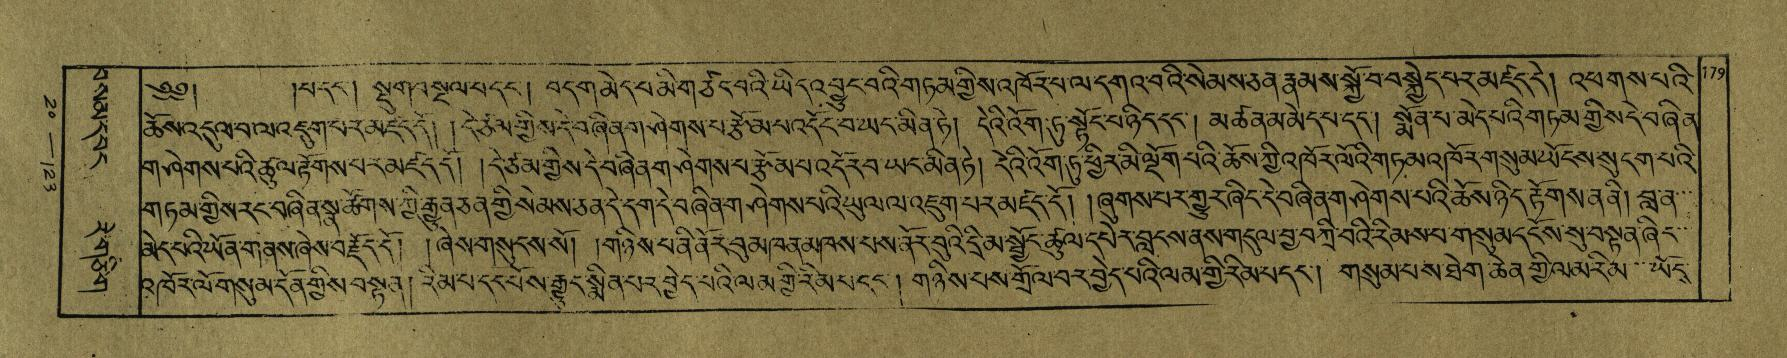༄༅། །པ་དང་། སྡུག་བསྔལ་པ་དང་། བདག་མེད་པ་མི་གཙང་བའི་ཡིད་འབྱུང་བའི་གཏམ་གྱིས་འཁོར་པ་ལ་དགའ་བའི་སེམས་ཅན་རྣམས་སྐྱོ་བ་བསྐྱེད་པར་མཛད་དེ། འཕགས་པའི་
ཆོས་འདུལ་བ་ལ་འཇུག་པར་མཛད་དོ། །དེ་ཙམ་གྱིས་དེ་བཞིན་གཤེགས་པ་རྩོམ་པ་འདོང་བ་ཡང་མིན་ཏེ། དེའི་འོག་ཏུ་སྟོང་པ་ཉིད་དང་། མཚན་མ་མེད་པ་དང་། སྨོན་པ་མེད་པའི་གཏམ་གྱིས་དེ་བཞིན་
གཤེགས་པའི་ཚུལ་རྟོགས་པར་མཛད་དོ། །དེ་ཙམ་གྱིས་དེ་བཞིན་གཤེགས་པ་རྩོམ་པ་འདོར་བ་ཡང་མིན་ཏེ། དེའི་འོག་ཏུ་ཕྱིར་མི་ལྡོག་པའི་ཆོས་ཀྱི་འཁོར་ལོའི་གཏམ་འཁོར་གསུམ་ཡོངས་སུ་དག་པའི་
གཏམ་གྱིས་རང་བཞིན་སྣ་ཚོགས་ཀྱི་རྒྱུན་ཅན་གྱི་སེམས་ཅན་དེ་དག་དེ་བཞིན་གཤེགས་པའི་ཡུལ་ལ་འཇུག་པར་མཛད་དོ། །ཞུགས་པར་གྱུར་ཞིང་དེ་བཞིན་གཤེགས་པའི་ཆོས་ཉིད་རྟོགས་ན་ནི། བླ་ན་
མེད་པའི་ཡོན་གནས་ཞེས་བརྗོད་དོ། །ཞེས་གསུངས་སོ། །གཉིས་པ་ནི་ནོར་བུ་མཁས་མཁས་པས་ནོར་བུའི་དྲི་མ་སྦྱོང་ཚུལ་དཔེར་བླངས་ནས་གདུལ་བྱ་བཀྲི་བའི་རིམས་པ་གསུམ་དངོས་སུ་བསྟན་ཞིང་
འཁོར་ལོ་གསུམ་དོན་གྱིས་བསྟན། རིམ་པ་དང་པོས་རྒྱུད་སྨིན་པར་བྱེད་པའི་ལམ་གྱི་རིམ་པ་དང་། གཉིས་པས་གྲོལ་བར་བྱེད་པའི་ལམ་གྱི་རིམ་པ་དང་། གསུམ་པས་ཐེག་ཆེན་གྱི་ལམ་རིམ་ཡོངས་